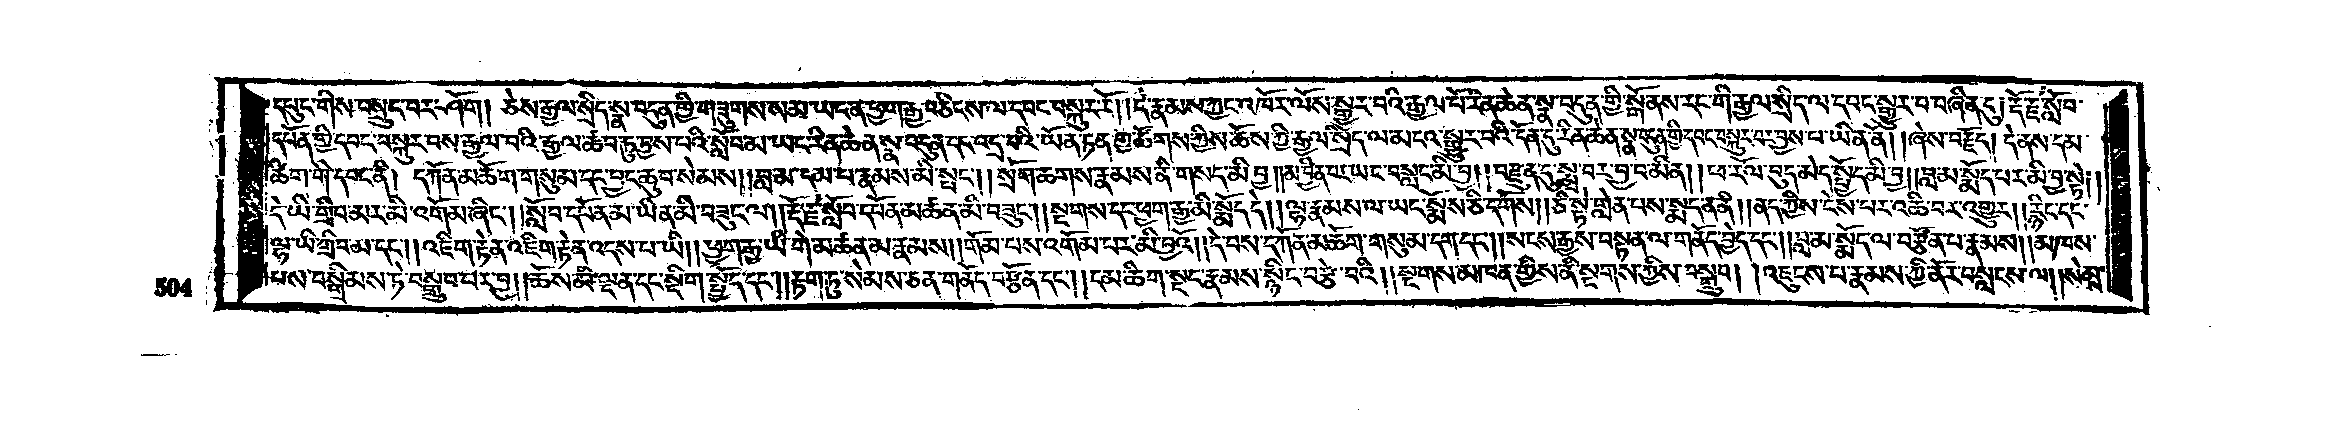དཔུང་གིས་བསྲུང་བར་ཤོག །ཅེས་རྒྱལ་སྲིད་སྣ་བདུན་གྱི་གཟུགས་སམ་ཡང་ན་ཕྱག་རྒྱ་བཅིངས་ལ་དབང་བསྐུར་རོ། །དེ་རྣམས་ཀྱང་འཁོར་ལོས་སྒྱུར་བའི་རྒྱལ་པོ་རིན་ཆེན་སྣ་བདུན་གྱི་སྒོ་ནས་རང་གི་རྒྱལ་སྲིད་ལ་དབང་སྒྱུར་བ་བཞིན་དུ། རྡོ་རྗེ་སློབ་
དཔོན་གྱི་དབང་བསྐུར་བས་རྒྱལ་བའི་རྒྱལ་ཚབ་ཏུ་བྱས་པའི་སློབ་མ་ཡང་རིན་ཆེན་སྣ་བདུན་དང་འདྲ་བའི་ཡོན་ཏན་གྱི་ཚོགས་ཀྱིས་ཆོས་ཀྱི་རྒྱལ་སྲིད་ལ་མངའ་སྒྱུར་བའི་དོན་དུ་རིན་ཆེན་སྣ་བདུན་གྱི་དབང་བསྐུར་བར་བྱས་པ་ཡིན་ནོ། །ཞེས་བརྗོད། དེ་ནས་དམ་
ཚིག་གི་དབང་ནི། དཀོན་མཆོག་གསུམ་དང་བྱང་ཆུབ་སེམས། །བླ་མ་དམ་པ་རྣམས་མི་སྤང་། །སྲོག་ཆགས་རྣམས་ནི་གསད་མི་བྱ། །མ་བྱིན་པར་ཡང་བསླང་མི་བྱ། །བརྫུན་དུ་སྨྲ་བར་བྱ་བ་མིན། །ཕ་རོལ་བུད་མེད་སྤྱོད་མི་བྱ། །བླ་མ་སྨོད་པར་མི་བྱ་སྟེ། །
དེ་ཡི་གྲིབ་མར་མི་འགོམ་ཞིང་། །སློབ་དཔོན་མ་ཡིན་མི་བཟུང་ལ། །རྡོ་རྗེ་སློབ་དཔོན་མཚན་མི་བཟུང་། །སྔགས་དང་ཕྱག་རྒྱ་མི་སྨོད་དེ། །ལྷ་རྣམས་ལ་ཡང་སྨོས་ཅི་དགོས། །ཅི་སྟེ་གླེན་པས་སྨད་ན་ནི། །ནད་ཀྱིས་ངེས་པར་འཆི་བར་འགྱུར། །རྙིང་དང་
ལྷ་ཡི་གྲིབ་མ་དང་། །འཇིག་རྟེན་འཇིག་རྟེན་འདས་པ་ཡི། །ཕྱག་རྒྱ་ཡི་གེ་མཚན་མ་རྣམས། །གོམ་པས་འགོམ་པར་མི་བྱའོ། །དེ་བས་དཀོན་མཆོག་གསུམ་དག་དང་། །སངས་རྒྱས་བསྟན་ལ་གནོད་བྱེད་དང་། །བླ་མ་སྨོད་ལ་བརྩོན་པ་རྣམས། །མཁས་
པས་བསྒྲིམས་ཏེ་བསྒྲུབ་པར་བྱ། །ཆོས་མི་ལྡན་དང་སྡིག་སྤྱོད་དང་། །རྟག་ཏུ་སེམས་ཅན་གནོད་བརྩོན་དང་། །དམ་ཚིག་སྡང་རྣམས་སྙིང་བརྩེ་བའི། །སྔགས་མཁན་གྱིས་ནི་སྔགས་ཀྱིས་བསྒྲུབ། །འཇུངས་པ་རྣམས་ཀྱི་ནོར་བསླངས་ལ། །སེམས་